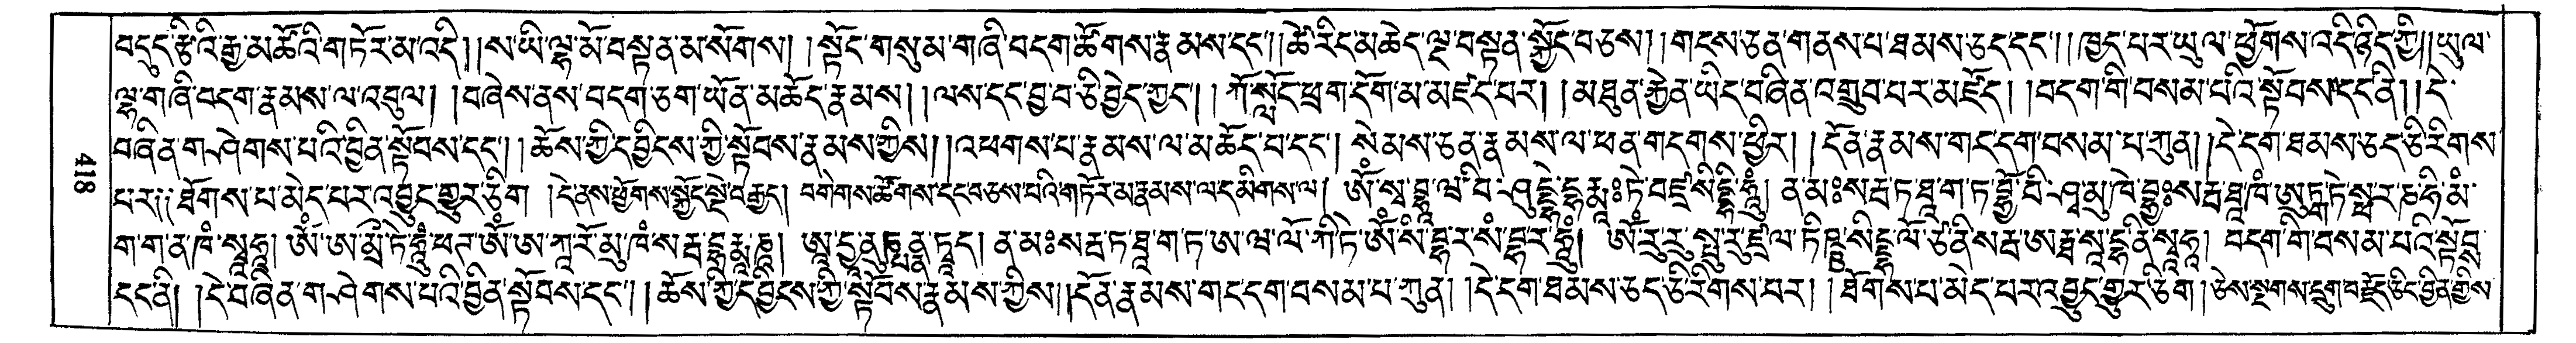བདུད་རྩིའི་རྒྱ་མཚོའི་གཏོར་མ་འདི། །ས་ཡི་ལྷ་མོ་བསྟན་མ་སོགས། །སྟོང་གསུམ་གཞི་བདག་ཚོགས་རྣམས་དང་། །ཚེ་རིང་མཆེད་ལྔ་བསྟན་སྐྱོང་བཅས། །གངས་ཅན་གནས་པ་ཐམས་ཅད་དང་། །ཁྱད་པར་ཡུལ་ཕྱོགས་འདི་ཉིད་གི། ཡུལ་
ལྷ་གཞི་བདག་རྣམས་ལ་འབུལ། །བཞེས་ནས་བདག་ཅག་ཡོན་མཆོད་རྣམས། །ལས་དང་བྱ་བ་ཅི་བྱེད་ཀྱང་། །ཀོ་སློང་ཕྲག་དོག་མ་མཛད་བར། །མཐུན་རྐྱེན་ཡིད་བཞིན་འགྲུབ་པར་མཛོད། །བདག་གི་བསམ་པའི་སྟོབས་དང་ནི། །དེ་
བཞིན་གཤེགས་པའི་བྱིན་སྟོབས་དང་། །ཆོས་ཀྱི་དབྱིངས་ཀྱི་སྟོབས་རྣམས་ཀྱིས། །འཕགས་པ་རྣམས་ལ་མཆོད་པ་དང་། སེམས་ཅན་རྣམས་ལ་ཕན་གདགས་ཕྱིར། །དོན་རྣམས་གང་དག་བསམ་པ་ཀུན། །དེ་དག་ཐམས་ཅད་ཅི་རིགས་
པར༑ ༑ཐོགས་པ་མེད་པར་འབྱུང་གྱུར་ཅིག་།དེ་ནས་ཕྱོགས་སྐྱོང་སྡེ་བརྒྱད། བགེགས་ཚོགས་དང་བཅས་པའི་གཏོར་མ་རྣམས་ལ་དམིགས་ལ།  ཨོཾ་སྭ་བྷཱ་ཝ་བི་ཤུདྡྷེ་དྷརྨཱཿཏེ་བཛྲ་སིདྡྷི་ཧཱུཾ། ན་མཿསརྦ་ཏ་ཐཱ་ག་ཏ་བྷྱོ་བི་ཤྭ་མུ་ཁེ་བྷྱཿསརྦ་ཐཱ་ཁཾ་ཨུཏྒ་ཏེ་སྥར་ཎ་ཧི་མཾ་
ག་ག་ན་ཁཾ་སྭཱཧཱ། ཨོཾ་ཨ་མྲྀ་ཏེ་ཧཱུཾ་ཕཊ། ཨོཾ་ཨ་ཀཱ་རོ་མུ་ཁཾ་སརྦ་དྷརྨཱ་ཎཱཾ། ཨཱ་དྱཱ་ནུ་ཏྤནྣ?་ཏྭཱད། ན་མཿསརྦ་ཏ་ཐཱ་ག་ཏ་ཨ་ཝ་ལོ་ཀི་ཏེ་ཨོཾ་སཾ་བྷ་ར་སཾ་བྷ་ར་ཧཱུཾ། ཨོཾ་རུ་རུ་སྥུ་རུ་ཛྭ་ལ་ཏིཥཊཿཨ་སིདྡྷ་ལོ་ཙ་ནི་སརྦ་ཨརྠ་སཱ་དྷ་ནི་སྭཱཧཱ། བདག་གི་བསམ་བའི་སྟོབས་
དང་ནི། །དེ་བཞིན་གཤེགས་པའི་བྱིན་སྟོབས་དང་། །ཆོས་ཀྱི་དབྱིངས་ཀྱི་སྟོབས་རྣམས་ཀྱིས། །དོན་རྣམས་གང་དག་བསམ་པ་ཀུན། །དེ་དག་ཐམས་ཅད་ཅི་རིགས་པར། །ཐོགས་པ་མེད་པར་འབྱུང་གྱུར་ཅིག་།ཅེས་སྔགས་དྲུག་བསྟོད་ཅིང་བྱིན་གྱིས